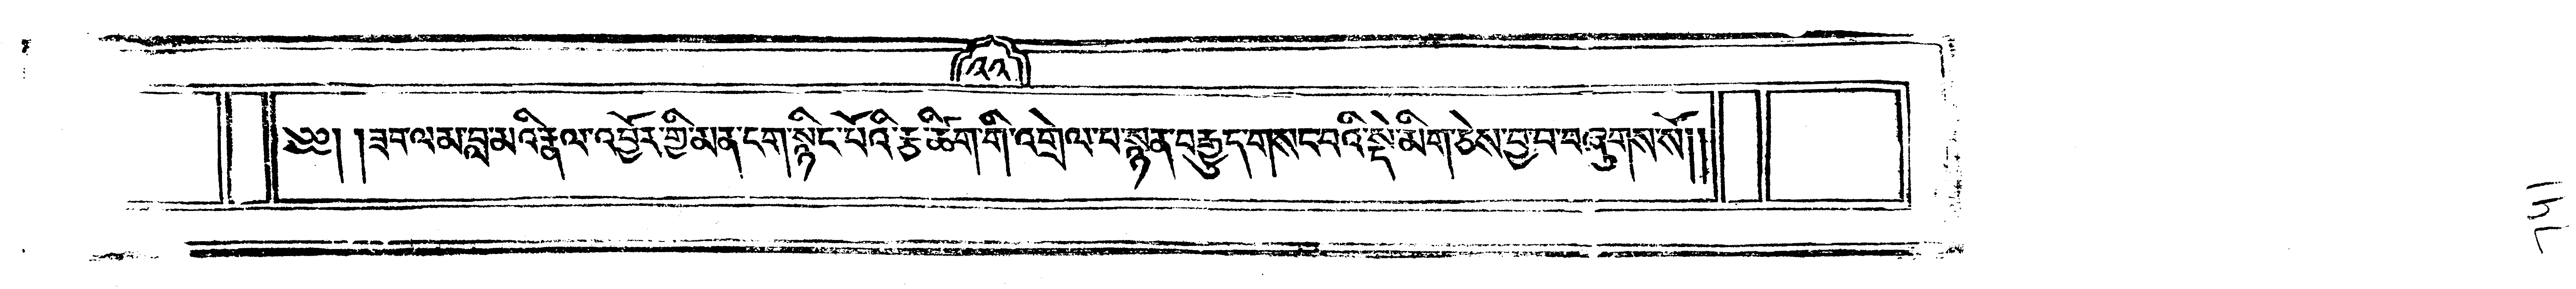༄༅། །ཟབ་ལམ་བླ་མའི་རྣལ་འབྱོར་གྱི་མན་ངག་སྙིང་པོའི་རྩ་ཚིག་གི་འགྲེལ་པ་སྙན་བརྒྱུད་གསང་བའི་སྡེ་མིག་ཅེས་བྱ་བ་བཞུགས་སོ།།